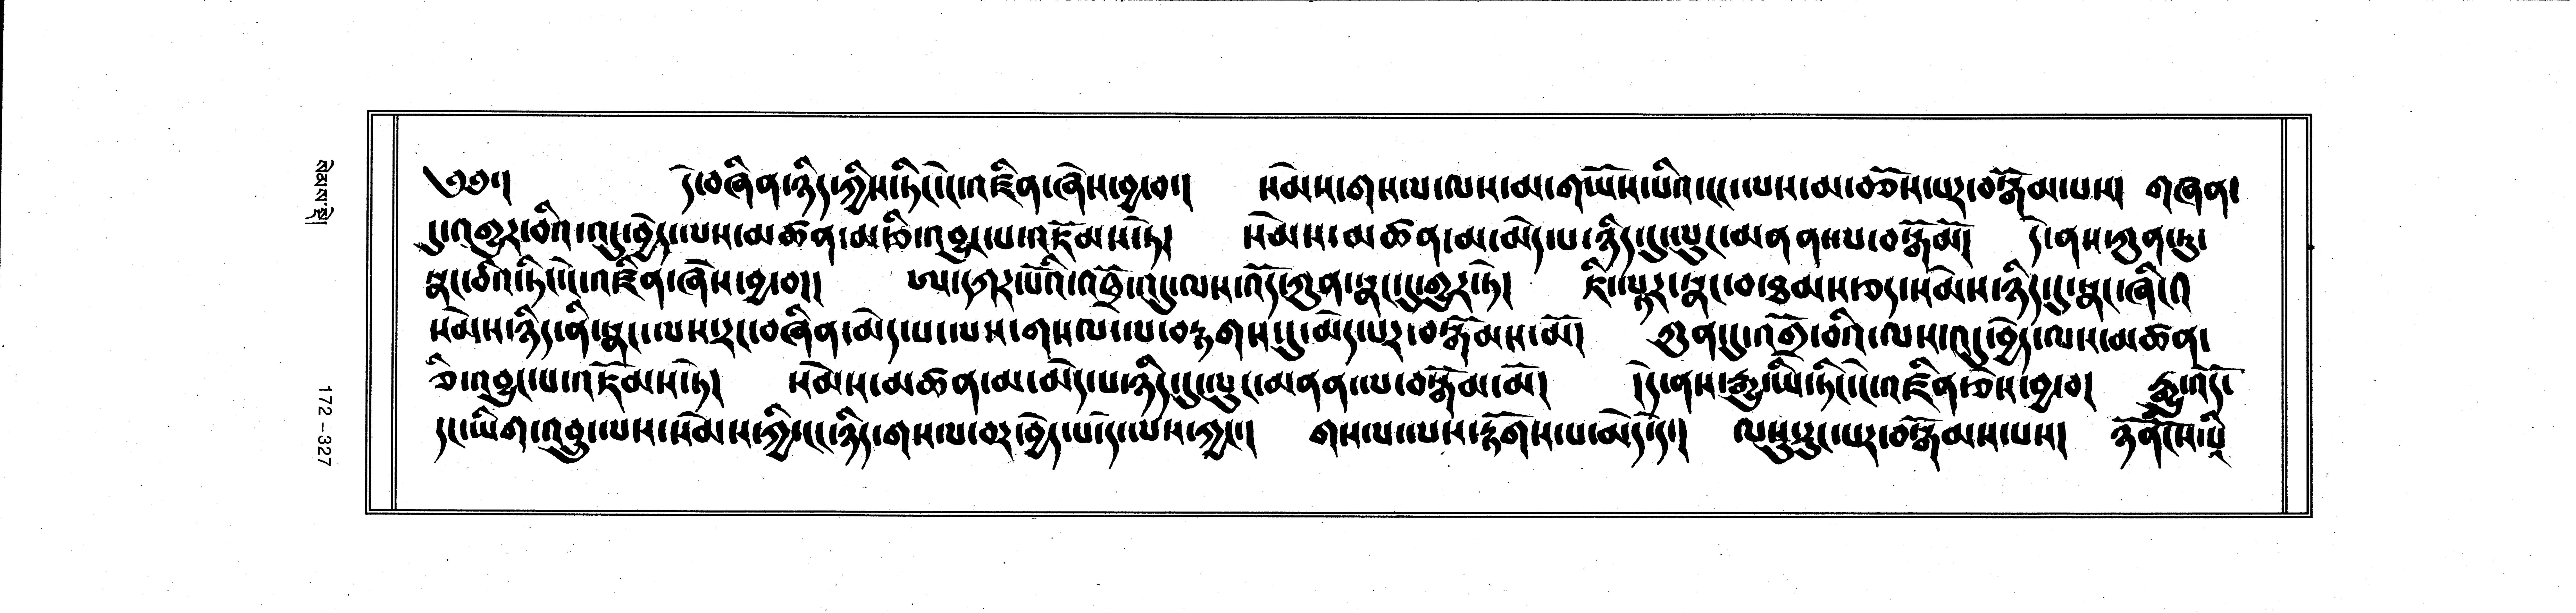དེ་བཞིན་ཉིད་ཀྱིས་ཏིང་ངེ་འཛིན་ཞེས་བྱ་བ། སེམས་གསལ་ལས་མ་གཡོས་པའི་ངང་ལས་མ་བཅོས་པར་བསྒོམ་པས། གཞན་
དུ་འགྱུར་བའི་འདུ་བྱེད་ལས་མཚན་མ་ཅི་འབྱུང་པ་འཇོམས་ཏེ། སེམས་མཚན་མ་མེད་པ་ཉིད་དུ་ལུང་མནན་ལ་བསྒོམ་མོ། དེ་ནས་ཀུན་ཏུ་
སྣང་བའི་ཏིང་ངེ་འཛིན་ཞེས་བྱ་བ། ཨ་དཀར་པོའི་འཕྲོ་འདུ་ལས་འོད་ཀུན་སྣང་དུ་གྱུར་ཏེ། ཇི་ལྟར་སྣང་བ་ཐམས་ཅད་སེམས་ཉིད་དུ་སྣང་ཞིང་། 
སེམས་ཉིད་ནི་སྣང་ལས་རང་བཞིན་མེད་པ་ལས་གསལ་ལ་བརྟགས་དུ་མེད་པར་བསྒོམས་མོ། ཀུན་དུ་འགྲོ་བའི་ལས་འདུ་བྱེད་ལས་མཚན་
མ་ཅི་འབྱུང་པ་འཇོམས་ཏེ། སེམས་མཚན་མ་མེད་པ་ཉིད་དུ་ལུང་མནན་ལ་བསྒོམ་མོ། དེ་ནས་རྒྱུ་ཡི་ཏིང་ངེ་འཛིན་ཅེས་བྱ་བ། རྒྱུ་འོད་
དང་ཡིག་འབྲུ་ལས་སེམས་ཀྱི་ངང་ཉིད་གསལ་བར་བྱེད་པ་དེ་ལས་ཀྱང་། གསལ་ལས་རྟོགས་པ་མེད་དེ། ལས་སུ་རུང་པར་བསྒོམས་པས། ཉོན་མོངས་པའི་